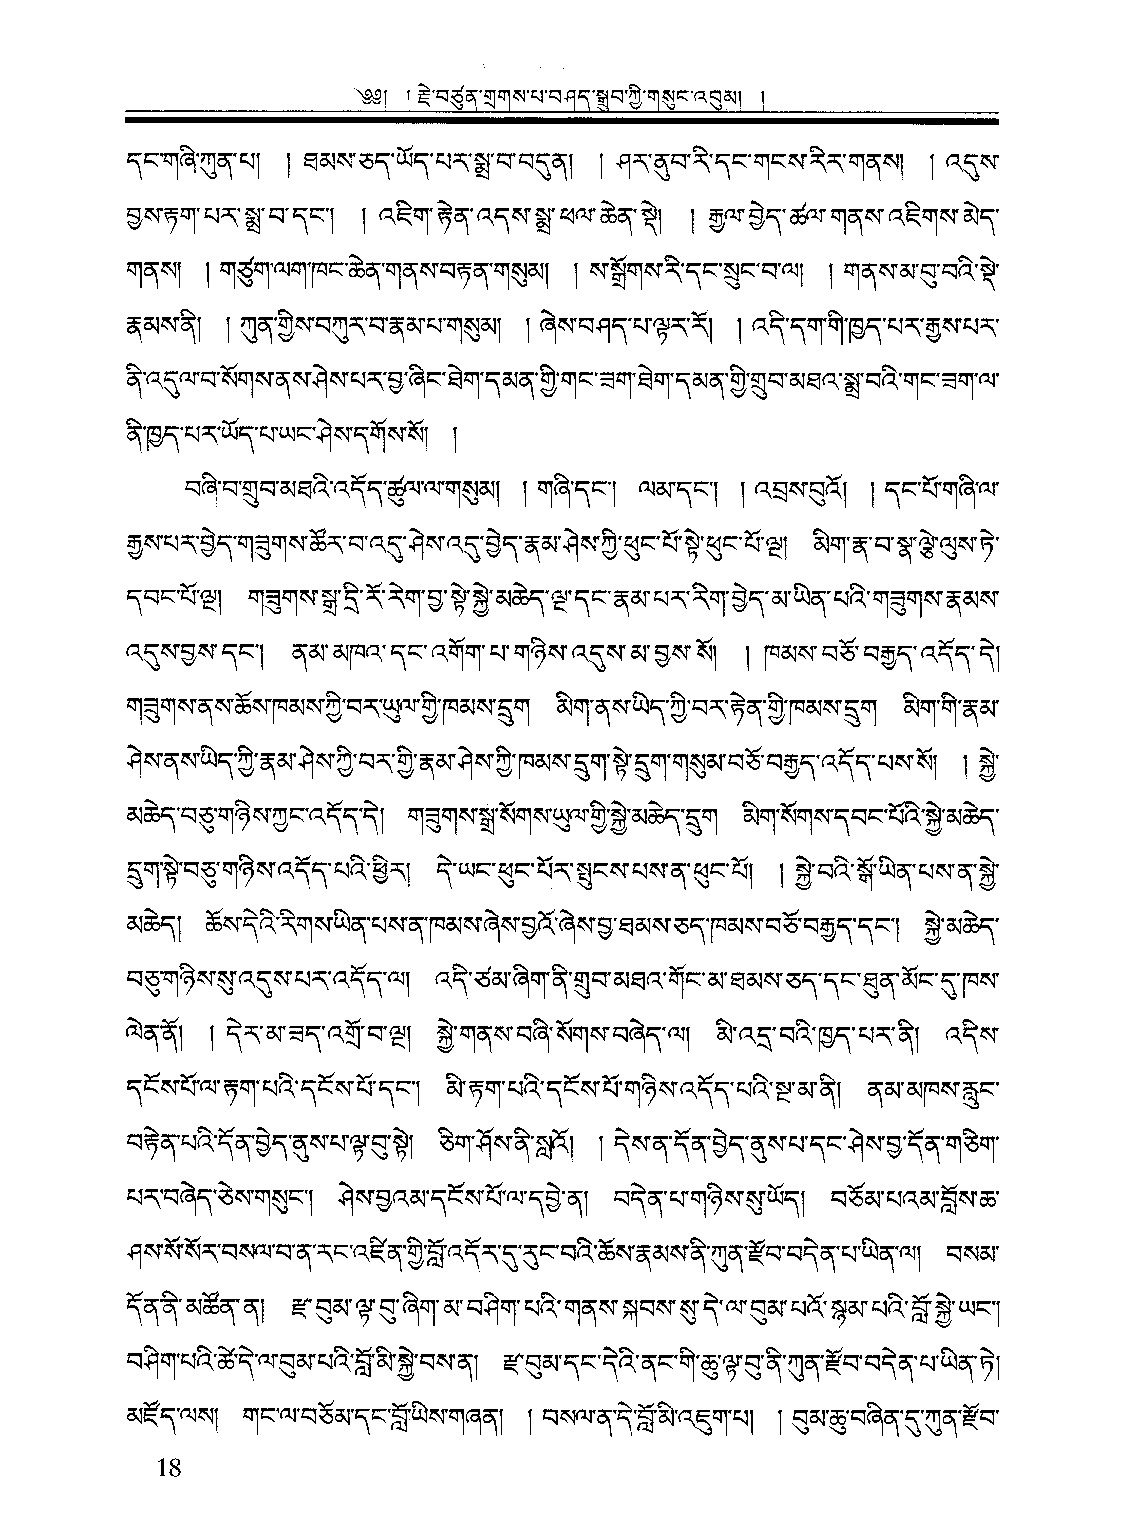དང་གཞི་ཀུན་པ། །ཐམས་ཅད་ཡོད་པར་སྨྲ་བ་བདུན། །ཤར་ནུབ་རི་དང་གངས་རིར་གནས། །འདུས་
བྱས་རྟག་པར་སྨྲ་བ་དང་། །འཇིག་རྟེན་འདས་སྨྲ་ཕལ་ཆེན་སྡེ། །རྒྱལ་བྱེད་ཚལ་གནས་འཇིགས་མེད་
གནས། །གཙུག་ལག་ཁང་ཆེན་གནས་བརྟན་གསུམ། །ས་སྒྲོགས་རི་དང་སྲུང་བ་ལ། །གནས་མ་བུ་བའི་སྡེ་
རྣམས་ནི། །ཀུན་གྱིས་བཀུར་བ་རྣམ་པ་གསུམ། །ཞེས་བཤད་པ་ལྟར་རོ། །འདི་དག་གི་ཁྱད་པར་རྒྱས་པར་
ནི་འདུལ་བ་སོགས་ནས་ཤེས་པར་བྱ་ཞིང་ཐེག་དམན་གྱི་གང་ཟག་ཐེག་དམན་གྱི་གྲུབ་མཐའ་སྨྲ་བའི་གང་ཟག་ལ་
ནི་ཁྱད་པར་ཡོད་པ་ཡང་ཤེས་དགོས་སོ། །
བཞི་བ་གྲུབ་མཐའི་འདོད་ཚུལ་ལ་གསུམ། །གཞི་དང་། ལམ་དང་། །འབྲས་བུའོ། །དང་པོ་གཞི་ལ་
རྒྱས་པར་བྱེད་གཟུགས་ཚོར་བ་འདུ་ཤེས་འདུ་བྱེད་རྣམ་ཤེས་ཀྱི་ཕུང་པོ་སྟེ་ཕུང་པོ་ལྔ། མིག་རྣ་བ་སྣ་ལྕེ་ལུས་ཏེ་
དབང་པོ་ལྔ། གཟུགས་སྒྲ་དྲི་རོ་རེག་བྱ་སྟེ་སྐྱེ་མཆེད་ལྔ་དང་རྣམ་པར་རིག་བྱེད་མ་ཡིན་པའི་གཟུགས་རྣམས་
འདུས་བྱས་དང་། ནམ་མཁའ་དང་འགོག་པ་གཉིས་འདུས་མ་བྱས་སོ། །ཁམས་བཅོ་བརྒྱད་འདོད་དེ།
གཟུགས་ནས་ཆོས་ཁམས་ཀྱི་བར་ཡུལ་གྱི་ཁམས་དྲུག་མིག་ནས་ཡིད་ཀྱི་བར་རྟེན་གྱི་ཁམས་དྲུག་མིག་གི་རྣམ་
ཤེས་ནས་ཡིད་ཀྱི་རྣམ་ཤེས་ཀྱི་བར་གྱི་རྣམ་ཤེས་ཀྱི་ཁམས་དྲུག་སྟེ་དྲུག་གསུམ་བཅོ་བརྒྱད་འདོད་པས་སོ། །སྐྱེ་
མཆེད་བཅུ་གཉིས་ཀྱང་འདོད་དེ། གཟུགས་སྒྲ་སོགས་ཡུལ་གྱི་སྐྱེ་མཆེད་དྲུག་མིག་སོགས་དབང་པོའི་སྐྱེ་མཆེད་
དྲུག་སྟེ་བཅུ་གཉིས་འདོད་པའི་ཕྱིར། དེ་ཡང་ཕུང་པོར་སྤུངས་པས་ན་ཕུང་པོ། །སྐྱེ་བའི་སྒོ་ཡིན་པས་ན་སྐྱེ་
མཆེད། ཆོས་དེའི་རིགས་ཡིན་པས་ན་ཁམས་ཞེས་བྱའོ་ཞེས་བྱ་ཐམས་ཅད་ཁམས་བཅོ་བརྒྱད་དང་། སྐྱེ་མཆེད་
བཅུ་གཉིས་སུ་འདུས་པར་འདོད་ལ། འདི་ཙམ་ཞིག་ནི་གྲུབ་མཐའ་གོང་མ་ཐམས་ཅད་དང་ཐུན་མོང་དུ་ཁས་
ལེན་ནོ། །དེར་མ་ཟད་འགྲོ་བ་ལྔ། སྐྱེ་གནས་བཞི་སོགས་བཞེད་ལ། མི་འདྲ་བའི་ཁྱད་པར་ནི། འདིས་
དངོས་པོ་ལ་རྟག་པའི་དངོས་པོ་དང་། མི་རྟག་པའི་དངོས་པོ་གཉིས་འདོད་པའི་སྔ་མ་ནི། ནམ་མཁས་རླུང་
བརྟེན་པའི་དོན་བྱེད་ནུས་པ་ལྟ་བུ་སྟེ། ཅིག་ཤོས་ནི་སླའོ། །དེས་ན་དོན་བྱེད་ནུས་པ་དང་ཤེས་བྱ་དོན་གཅིག་
པར་བཞེད་ཅེས་གསུང་། ཤེས་བྱའམ་དངོས་པོ་ལ་དབྱེ་ན། བདེན་པ་གཉིས་སུ་ཡོད། བཅོམ་པའམ་བློས་ཆ་
ཤས་སོ་སོར་བསལ་བ་ན་རང་འཛིན་གྱི་བློ་འདོར་དུ་རུང་བའི་ཆོས་རྣམས་ནི་ཀུན་རྫོབ་བདེན་པ་ཡིན་ལ། བསམ་
དོན་ནི་མཚོན་ན། རྫ་བུམ་ལྟ་བུ་ཞིག་མ་བཤིག་པའི་གནས་སྐབས་སུ་དེ་ལ་བུམ་པའོ་སྙམ་པའི་བློ་སྐྱེ་ཡང་།
བཤིག་པའི་ཚེ་དེ་ལ་བུམ་པའི་བློ་མི་སྐྱེ་བས་ན། རྫ་བུམ་དང་དེའི་ནང་གི་ཆུ་ལྟ་བུ་ནི་ཀུན་རྫོབ་བདེན་པ་ཡིན་ཏེ།
མཛོད་ལས། གང་ལ་བཅོམ་དང་བློ་ཡིས་གཞན། །བསལ་ན་དེ་བློ་མི་འཇུག་པ། །བུམ་ཆུ་བཞིན་དུ་ཀུན་རྫོབ་